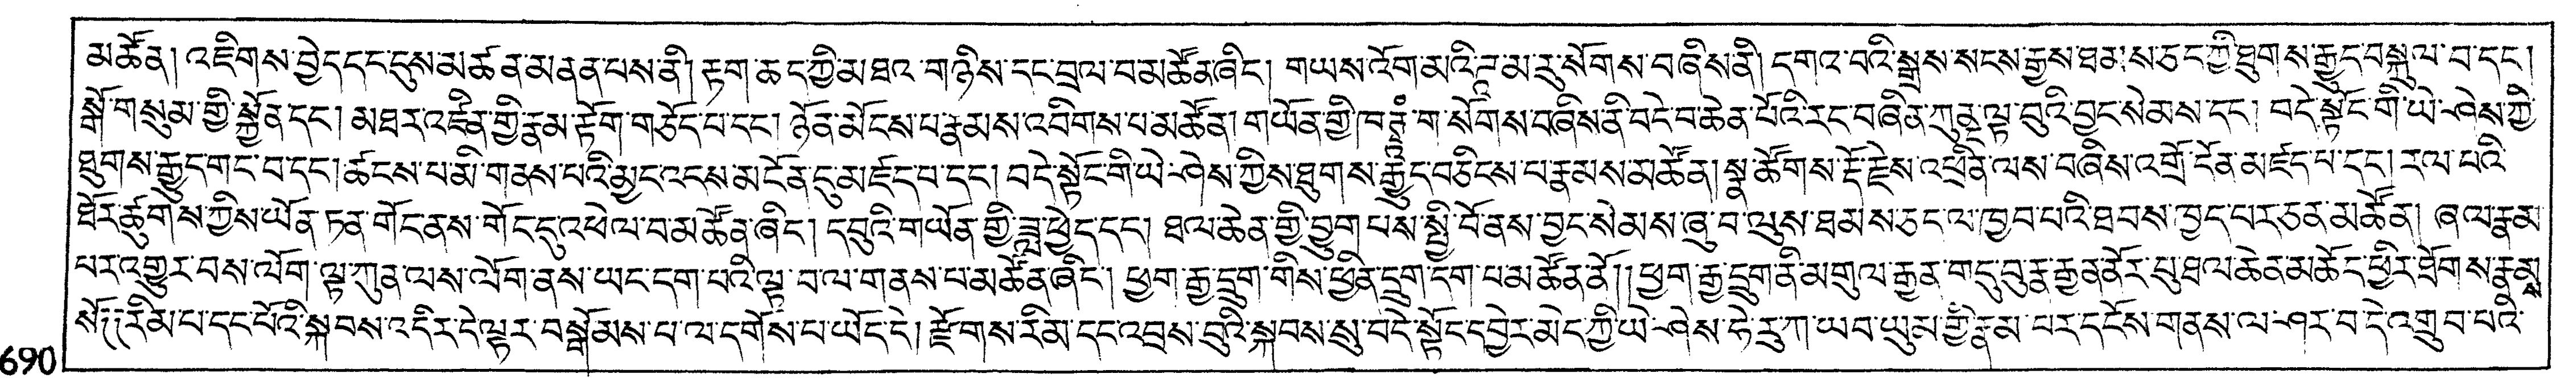མཚོན། འཇིགས་བྱེད་དང་དུས་མཚན་མནན་པས་ནི། རྟག་ཆད་ཀྱི་མཐའ་གཉིས་དང་བྲལ་བ་མཚོན་ཞིང་། གཡས་འོག་མའི་ཌཱ་མ་རུ་སོགས་བཞིས་ནི། དགའ་བའི་སྒྲས་སངས་རྒྱས་ཐམས་ཅད་ཀྱི་ཐུགས་རྒྱུད་བསྐུལ་བ་དང་།
སྒོ་གསུམ་གྱི་སྐྱོན་དང་། མཐར་འཛིན་གྱི་རྣམ་རྟོག་གཅོད་པ་དང་། ཉོན་མོངས་པ་རྣམས་འབིགས་པ་མཚོན། གཡོན་གྱི་ཁཊྭཱཾ་ག་སོགས་བཞིས་ནི་བདེ་བ་ཆེན་པོའི་རང་བཞིན་ཀུནྡ་ལྟ་བུའི་བྱང་སེམས་དང་། བདེ་སྟོང་གི་ཡེ་ཤེས་ཀྱི་
ཐུགས་རྒྱུད་གང་བ་དང་། ཚངས་པ་མི་གནས་པའི་མྱང་འདས་མངོན་དུ་མཛད་པ་དང་། བདེ་སྟོང་གི་ཡེ་ཤེས་ཀྱིས་ཐུགས་རྒྱུད་བཅིངས་པ་རྣམས་མཚོན། སྣ་ཚོགས་རྡོ་རྗེས་འཕྲིན་ལས་བཞིས་འགྲོ་དོན་མཛད་པ་དང་། རལ་པའི་
ཐོར་ཚུགས་ཀྱིས་ཡོན་ཏན་གོང་ནས་གོང་དུ་འཕེལ་བ་མཚོན་ཞིང་། དབུའི་གཡོན་གྱི་ཟླ་ཕྱེད་དང་། ཐལ་ཆེན་གྱི་བྱུག་པས་སྤྱི་བོ་ནས་བྱང་སེམས་ཞུ་བ་ལུས་ཐམས་ཅད་ལ་ཁྱབ་པའི་ཐབས་ཁྱད་པར་ཅན་མཚོན། ཞལ་རྣམ་
པར་འགྱུར་བས་ལོག་ལྟ་ཀུན་ལས་ལོག་ནས་ཡང་དག་པའི་ལྟ་བ་ལ་གནས་པ་མཚོན་ཞིང་། ཕྱག་རྒྱ་དྲུག་གིས་ཕྱིན་དྲུག་དག་པ་མཚོན་ནོ། །ཕྱག་རྒྱ་དྲུག་ནི་མགུལ་རྒྱན་གདུ་བུ་རྣ་རྒྱན་ནོར་བུ་ཐལ་ཆེན་མཆོད་ཕྱིར་ཐོགས་རྣམས་
སོ༑ ༑རིམ་པ་དང་པོའི་སྐབས་འདིར་དེ་ལྟར་བསྒོམས་པ་ལ་དགོས་པ་ཡོད་དེ། རྫོགས་རིམ་དང་འབྲས་བུའི་སྐབས་སུ་བདེ་སྟོང་དབྱེར་མེད་ཀྱི་ཡེ་ཤེས་ཧེ་རུ་ཀ་ཡབ་ཡུམ་གྱི་རྣམ་པར་དངོས་གནས་ལ་ཤར་བ་དེ་འགྲུབ་པའི་